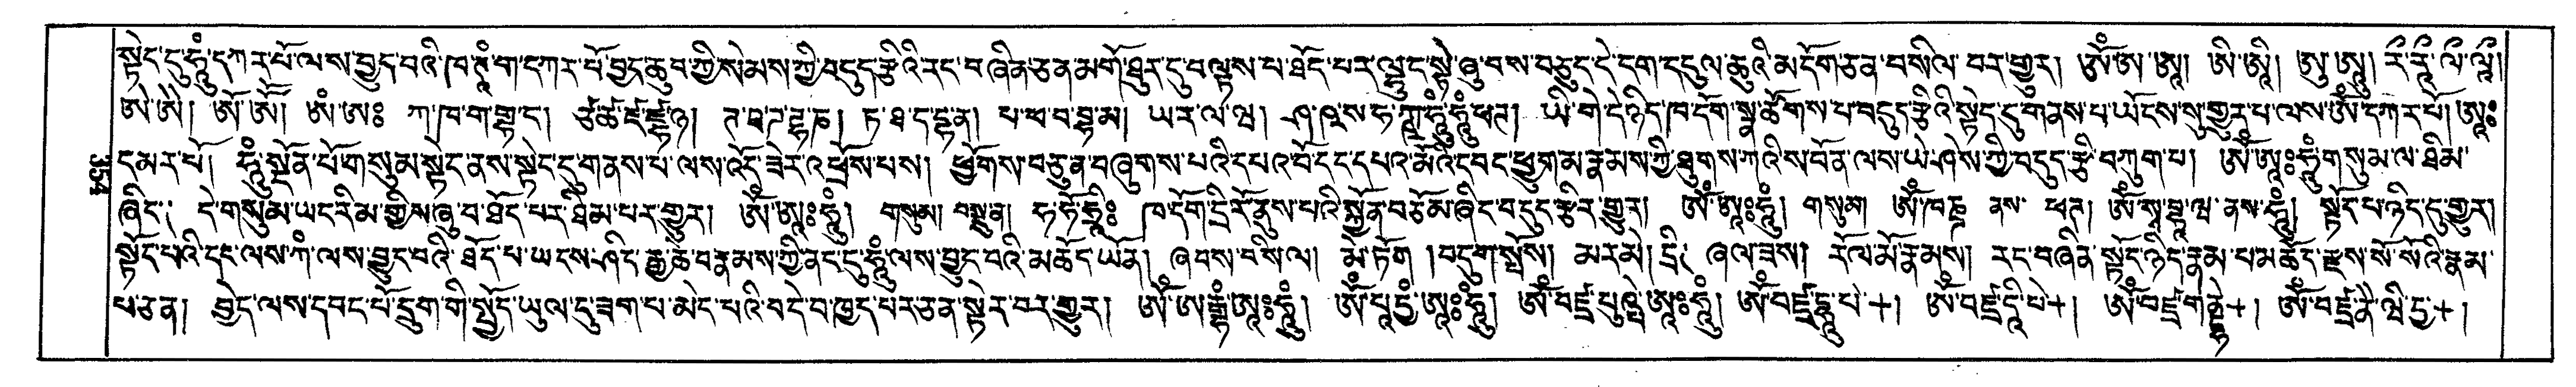སྟེང་དུ་ཧཱུཾ་དཀར་པོ་ལས་བྱུང་བའི་ཁ་ཊྭཱཾ་ག་དཀར་པོ་བྱང་ཆུབ་ཀྱི་སེམས་ཀྱི་བདུད་རྩིའི་རང་བཞིན་ཅན་མགོ་ཐུར་དུ་བལྟས་པ་ཐོད་པར་ལྷུང་སྟེ་ཞུ་བས་བཅུད་དེ་དག་དངུལ་ཆུའི་མདོག་ཅན་བསིལ་བར་གྱུར། ཨོཾ་ཨ་ཨཱ། ཨི་ཨཱི། ཨུ་ཨཱུ། རྀ་རཱྀ། ལྀ་ལཱྀ།
ཨེ་ཨཻ། ཨོ་ཨཽ། ཨཾ་ཨཱཿ ཀ་ཁ་ག་གྷ་ང་། ཙ་ཚ་ཛ་ཛྷ་ཉ། ཊ་ཊཿཨ་ཌ་ཌྷ་ཎ། ཏ་ཐ་ད་དྷ་ན། པ་ཕ་བ་བྷ་མ། ཡ་ར་ལ་ཝ། ཤ་ཥ་ས་ཧ་ཀྵ་ཧཱུཾ་ཧཱུཾ་ཕཊ། ཡི་གེ་དེ་ཉིད་ཁ་དོག་སྣ་ཚོགས་པ་བདུད་རྩིའི་སྟེང་དུ་གནས་པ་ཡོངས་སུ་གྱུར་པ་ལས་ཨོཾ་དཀར་པོ། ཨཱཿ
དམར་པོ། ཧཱུཾ་སྔོན་པོ་གསུམ་སྟེང་ནས་སྟེང་དུ་གནས་པ་ལས་འོད་ཟེར་འཕྲོས་པས། ཕྱོགས་བཅུ་ན་བཞུགས་པའི་དཔའ་བོ་དང་དཔའ་མོའི་དབང་ཕྱུག་མ་རྣམས་ཀྱི་ཐུགས་ཀའི་ས་བོན་ལས་ཡེ་ཤེས་ཀྱི་བདུད་རྩི་བཀུག་པ། ཨོཾ་ཨཱཿ ཧཱུཾ་གསུམ་ལ་ཐིམ་
ཞིང༑ དེ་གསུམ་ཡང་རིམ་གྱིས་ཞུ་བ་ཐོད་པར་ཐིམ་པར་གྱུར། ཨོཾ་ཨཱཿ ཧཱུཾ། གསུམ། བསྡུན། ཧ་ཧོ་ཧྲཱིཿ ཁ་དོག་དྲི་རོ་ནུས་པའི་སྐྱོན་བཅོམ་ཞིང་བདུད་རྩིར་གྱུར། ཨོཾ་ཨཱཿ ཧཱུཾ། གསུམ། ཨོཾ་ཁཎྜ་ནས་ཕཊ། ཨོཾ་སྲ་བྷཱ་ཝ་ནས་ཧཱཾ། སྟོང་པ་ཉིད་དུ་གྱུར།
སྟོང་པའི་ངང་ལས་ཀཾ་ལས་བྱུང་བའི་ཐོད་པ་ཡངས་ཤིང་རྒྱ་ཆེ་བ་རྣམས་ཀྱི་ནང་དུ་ཧཱུཾ་ལས་བྱུང་བའི་མཆོད་ཡོན། ཞབས་བསིལ། མེ་ཏོབ། །བདུག་སྤོས། མར་མེ། དྲི༑ ཞལ་ཟས། རོལ་མོ་རྣམས། རང་བཞིན་སྟོང་ཉིད་རྣམ་པ་མཆོད་རྫས་སོ་སོའི་རྣམ་
པ་ཅན། བྱེད་ལས་དབང་པོ་དྲུག་གི་སྦྱོད་ཡུལ་དུ་ཟག་པ་མེད་པའི་བདེ་བ་ཁྱད་པར་ཅན་སྟེར་བར་གྱུར། ཨོཾ་ཨ་རྒྷཾ་ཨཱཿ ཧཱུཾ། ཨོཾ་པཱ་དྱཾ་ཨཱཿ ཧཱུཾ། ཨོཾ་བཛྲ་པུ་ཥྤེ་ཨཱཿ ཧཱུཾ། ཨོཾ་བཛྲ་དྷཱུ་པེ་+། ཨོཾ་བཛྲ་དཱི་པེ་+། ཨོཾ་བཛྲ་གནྡྷེ་+། ཨོཾ་བཛྲ་ནཻ་ཝི་དྱ་+།